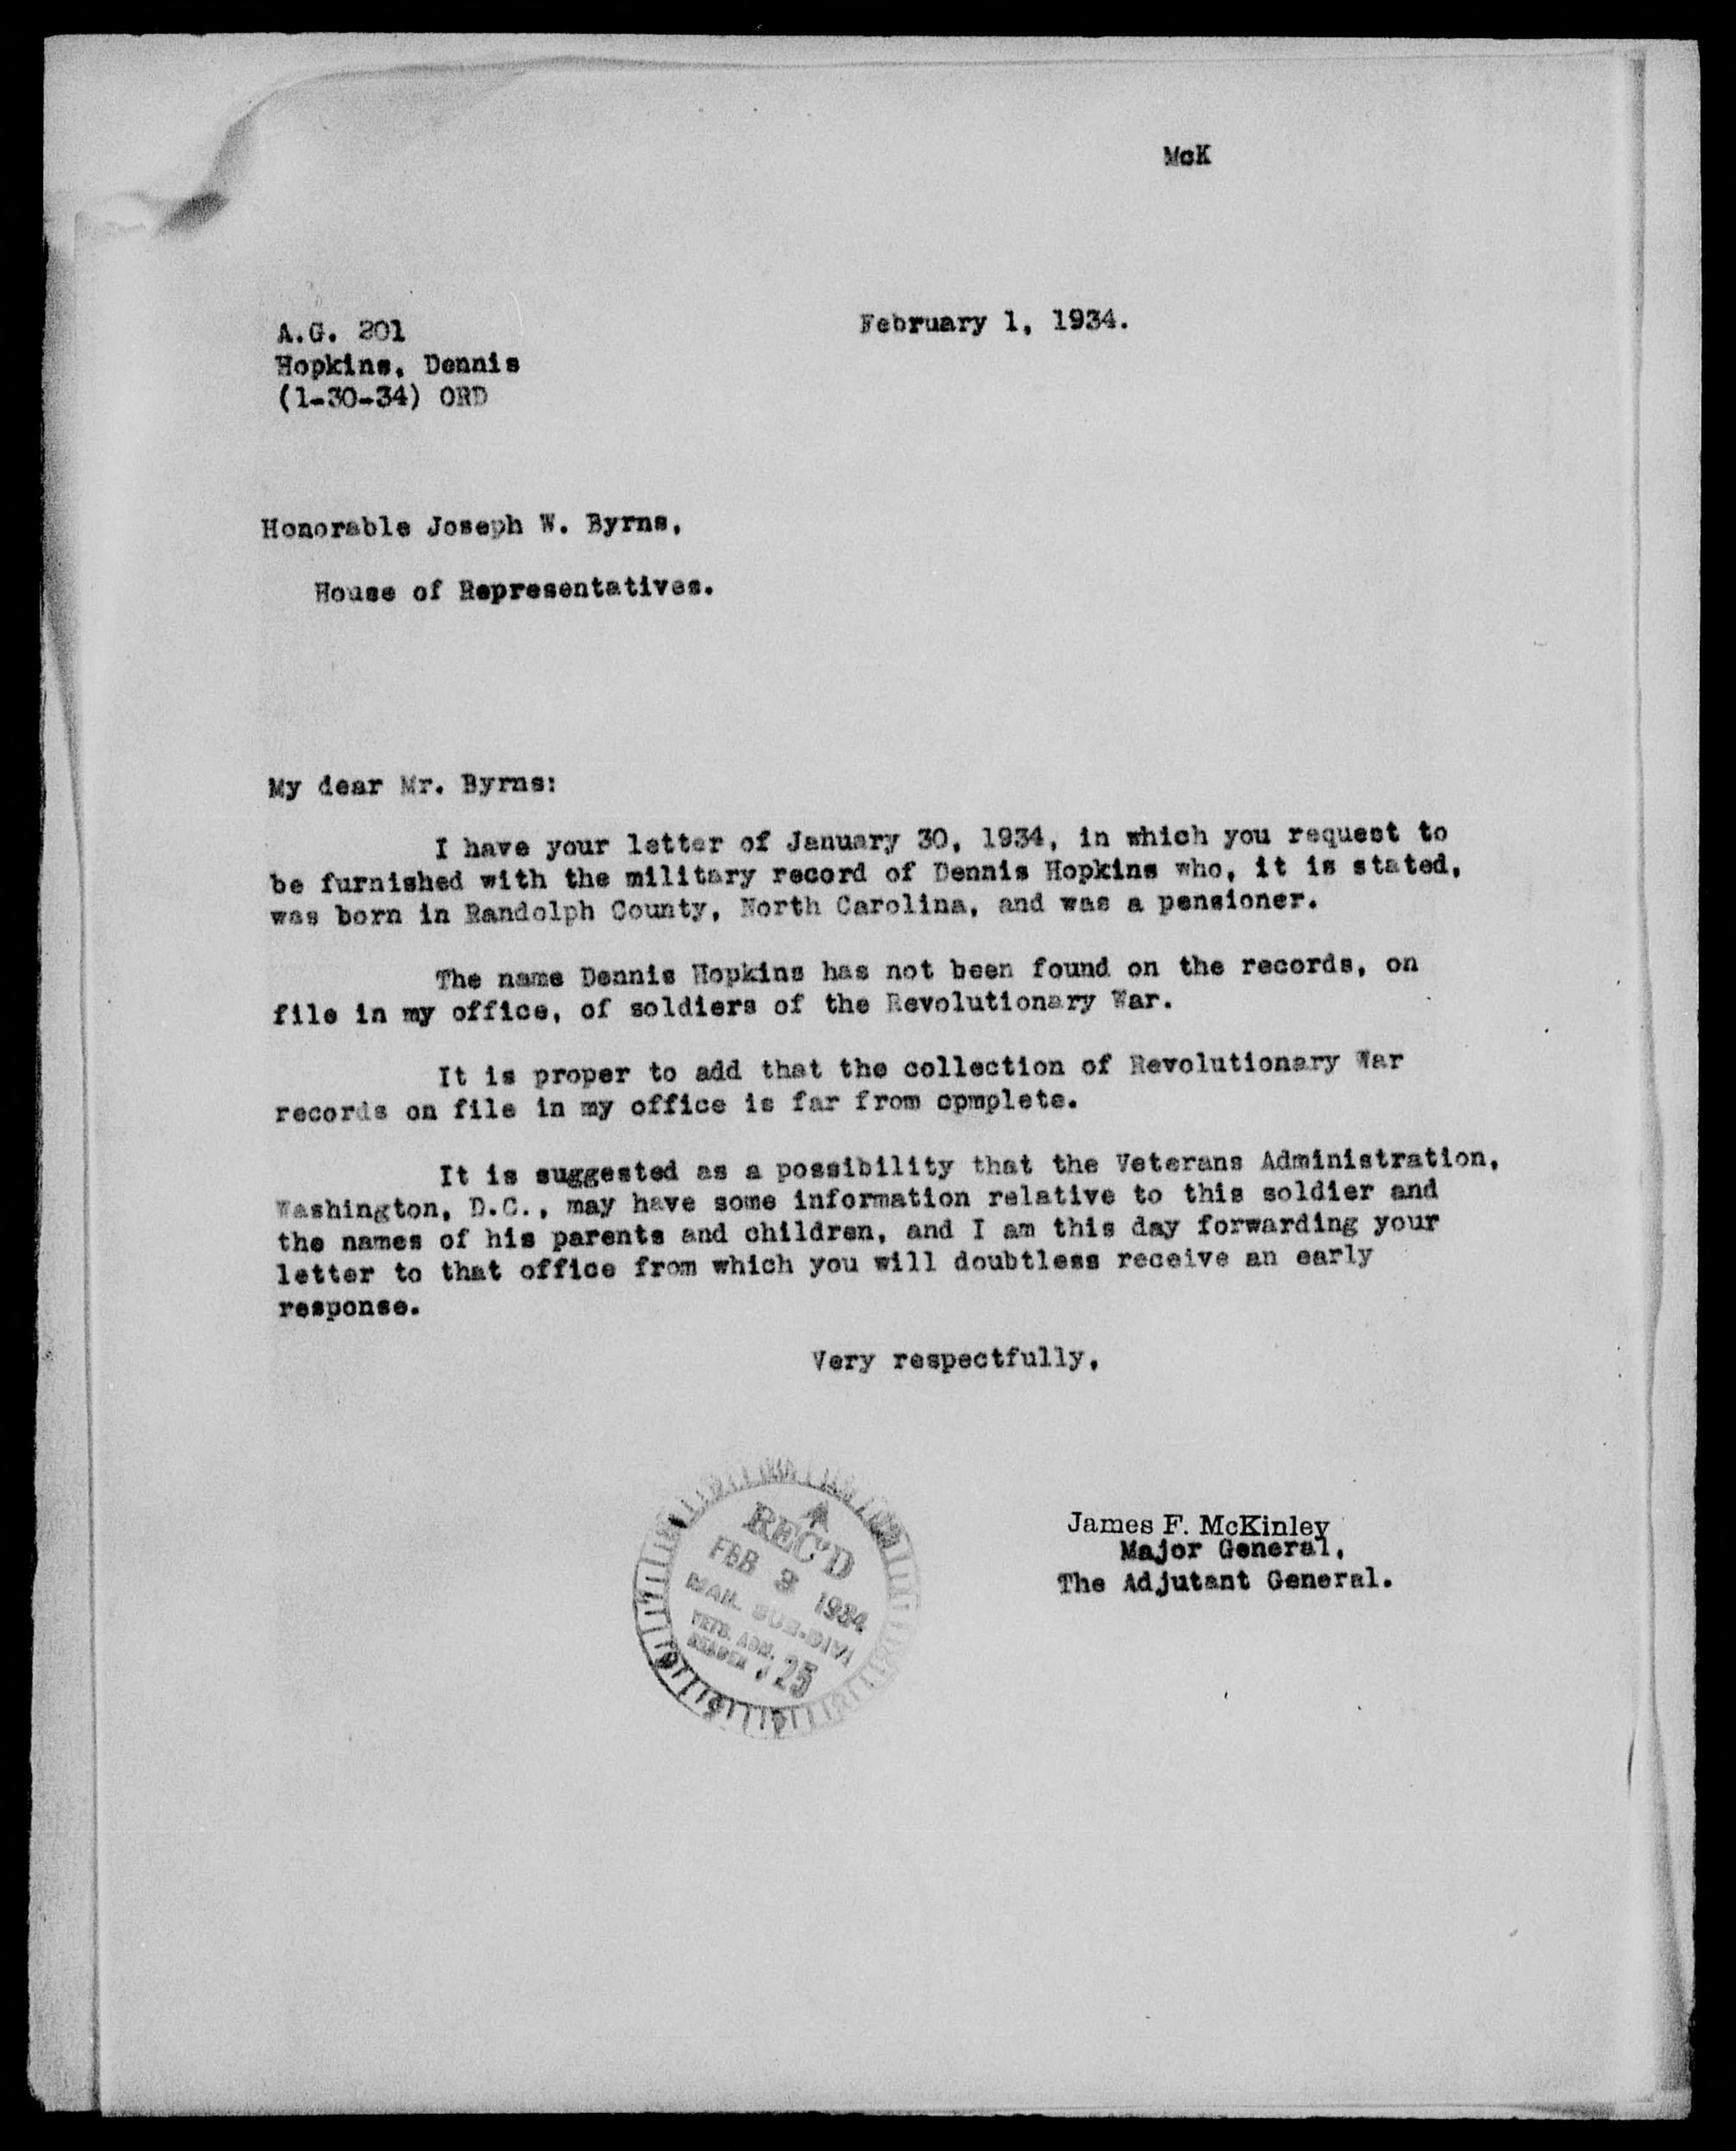McK
A.G. 201
Hopkins, Dennis
(1-30-34) ORD
February 1, 1934.
Honorable Joseph W. Byrns,
House of Representatives,
My dear Mr. Byrns:
I have your letter of January 30, 1934, in which you request to be furnished with the military record of Dennis Hopkins who, it is stated, was born in Randolph County, North Carolina, and was a pensioner.
The name Dennis Hopkins has not bee found on the records, on file in my office, of soldiers of the Revolutionary War.
It is proper to add that the collection of Revolutionary War records on file in my office is far from complete.
It is suggested as a possibility that the Veterans Administration, Washington, D.C., may have some information relative to this soldier and the names of his parents and children, and I am this day forwarding your letter to that office from which you will doubtless receive an early response.
Very respectfully,
James F. McKinley
Major General,
The Adjutant General.
Seal of REC'D FEB 3, 1934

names: Joseph W Byrns, Dennis Hopkins, James F Mc Kinley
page: 55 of 144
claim: rejected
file: R. 5208, Dennis Hopkins, N.C.